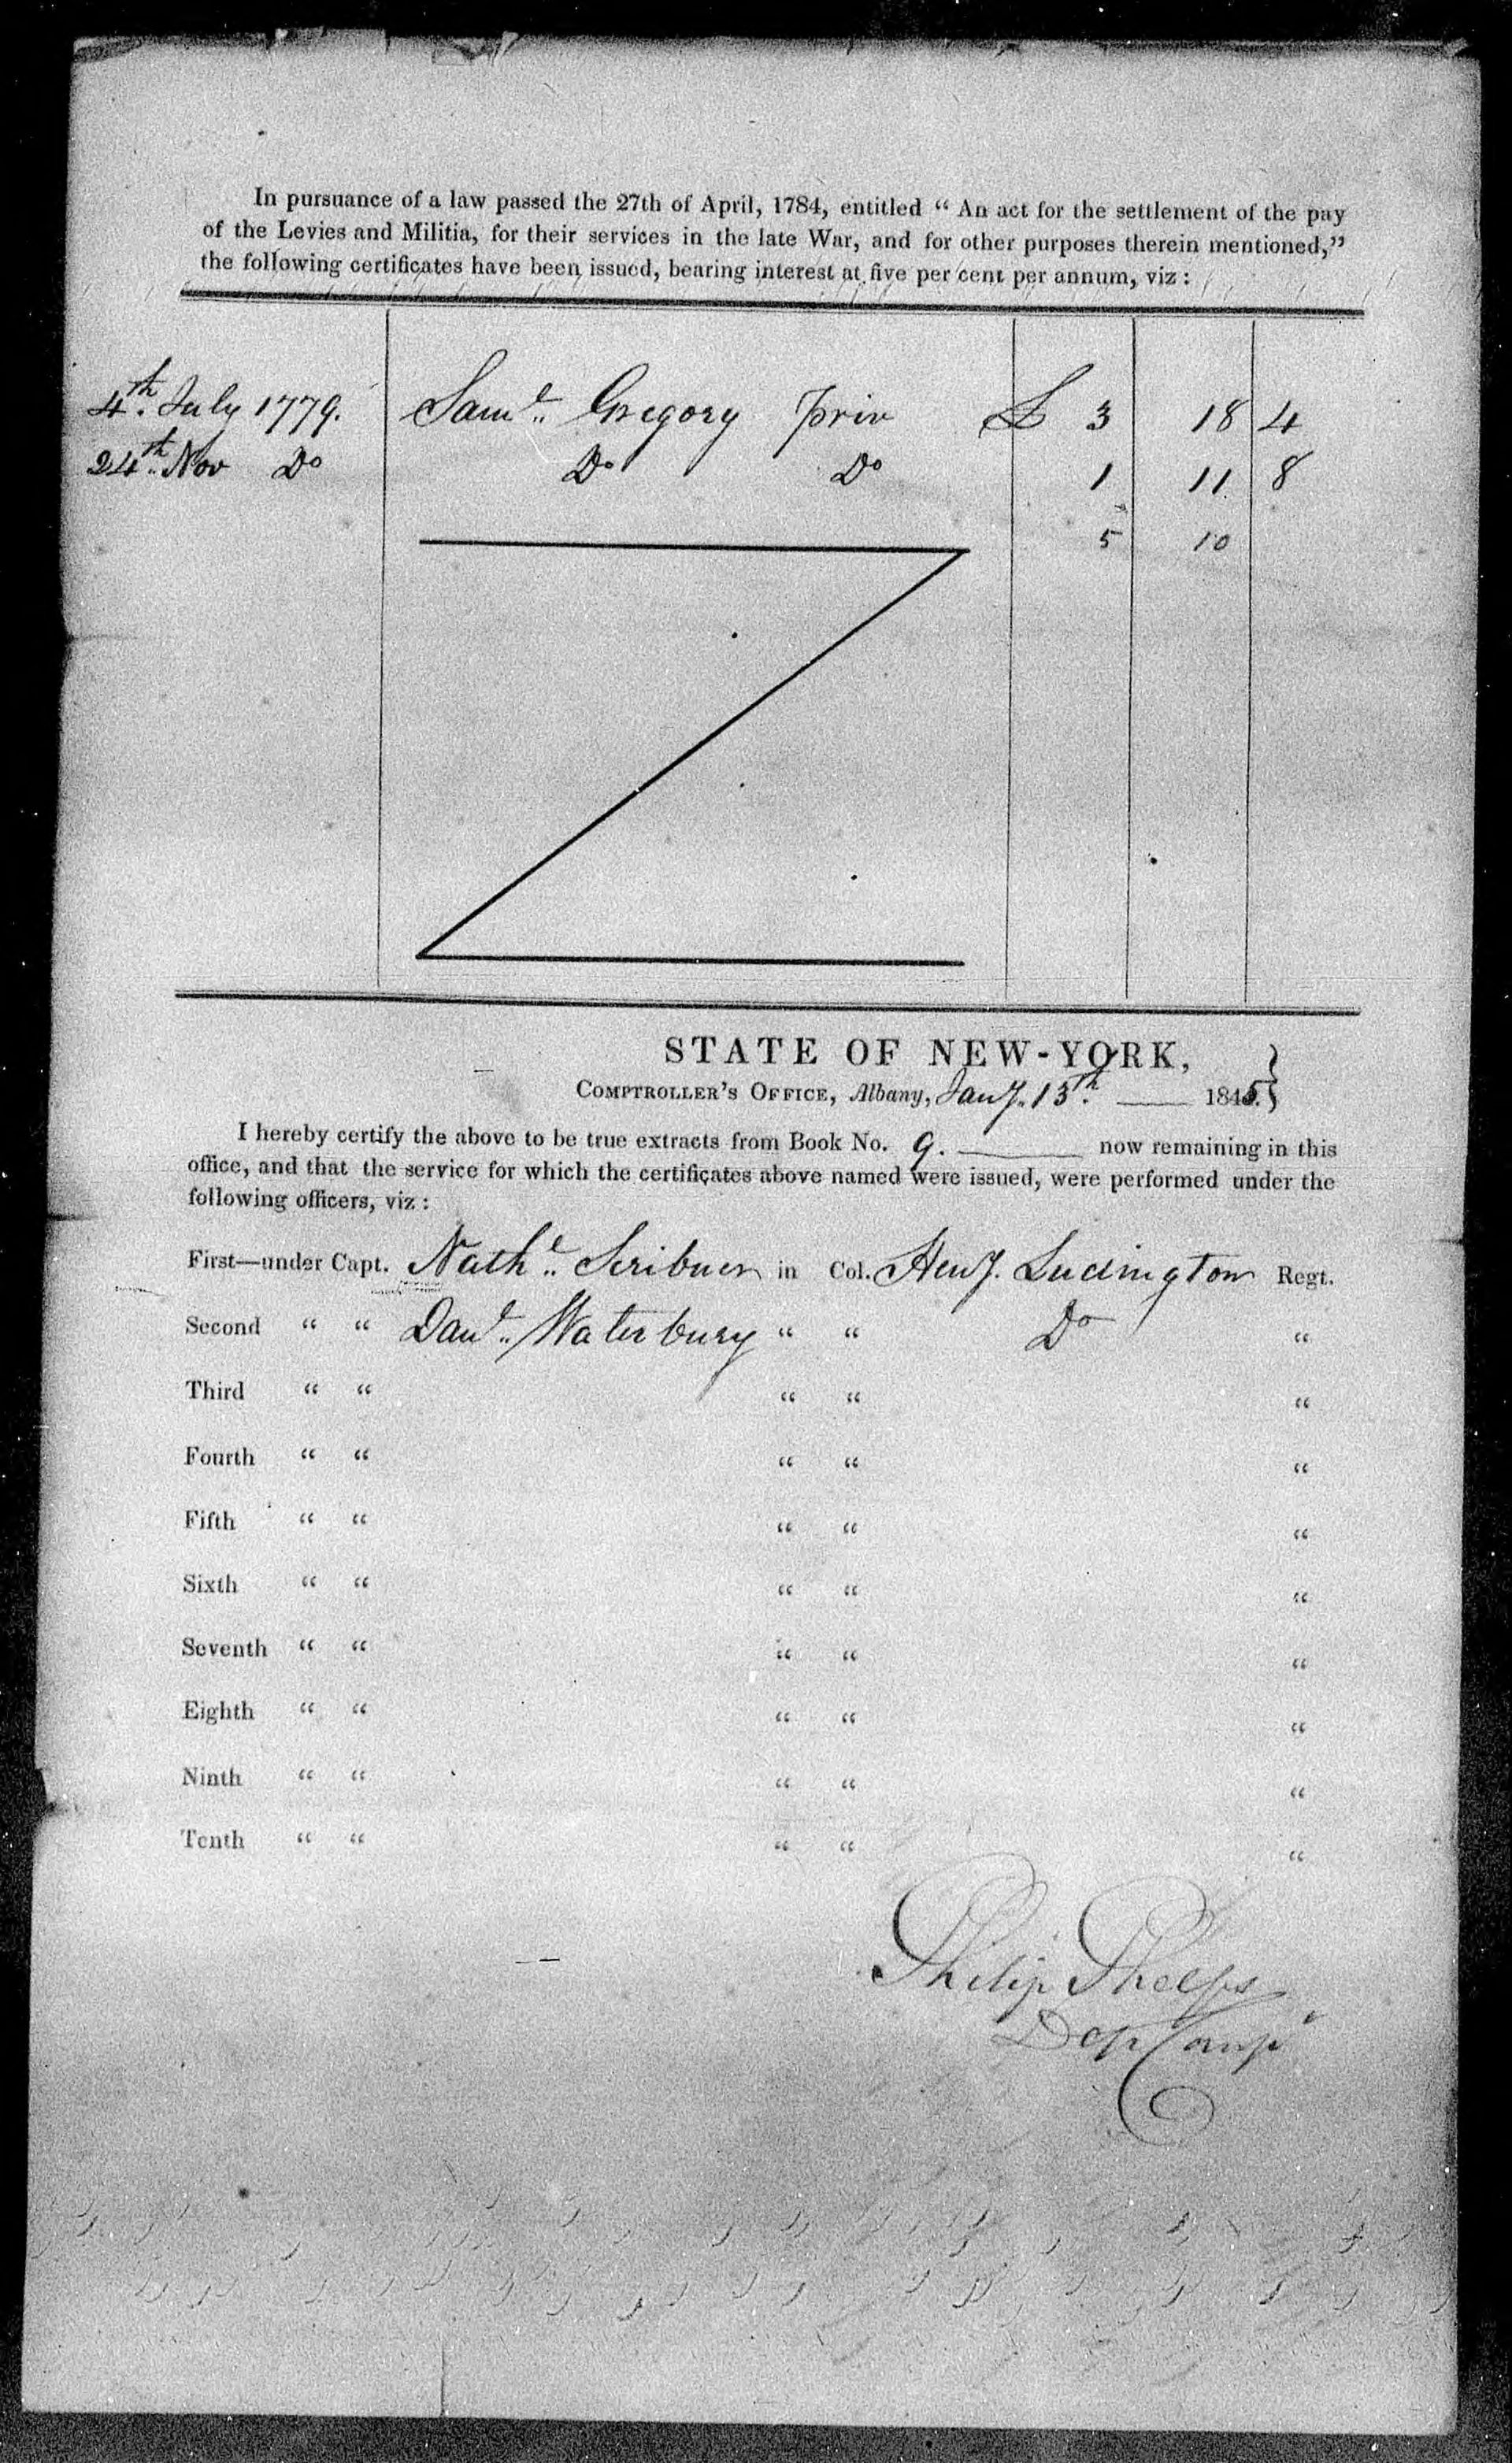In pursuance of a law passed the 27th of April, 1784, entitled "An Act for the settlement of the pay of the Levies and Militia, for their services in the late War, and for other purposes therein mentioned," the following certificates have been issued, bearing interest at five per cent per annum, viz:

4th July 1779.
24th Nov D

Sam'l Gregory Priv   
3/18/4
1/11/8
5/10

STATE OF NEW YORK,
COMPTROLLER'S OFFICE, Albany, Jany 13th 1843

I hereby certify the above to be true extracts from Book No. 9. now remaining in this office, and that, the service for which the certificates above named were issued, were performed under the following officers, vis:

First-under Capt. Nath'l Scribner in Col. Hen'y Ludington Regt.
Second under capt. Dan'l Waterbury

[signed] Philip Phelps
Dep Comp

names: Philip Phelps, Nathl Scribner, Saml Gregory, Danl Waterbury, Heny Ludington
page: 62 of 66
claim: rejected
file: R. 4298, Samuel Gregory, New York